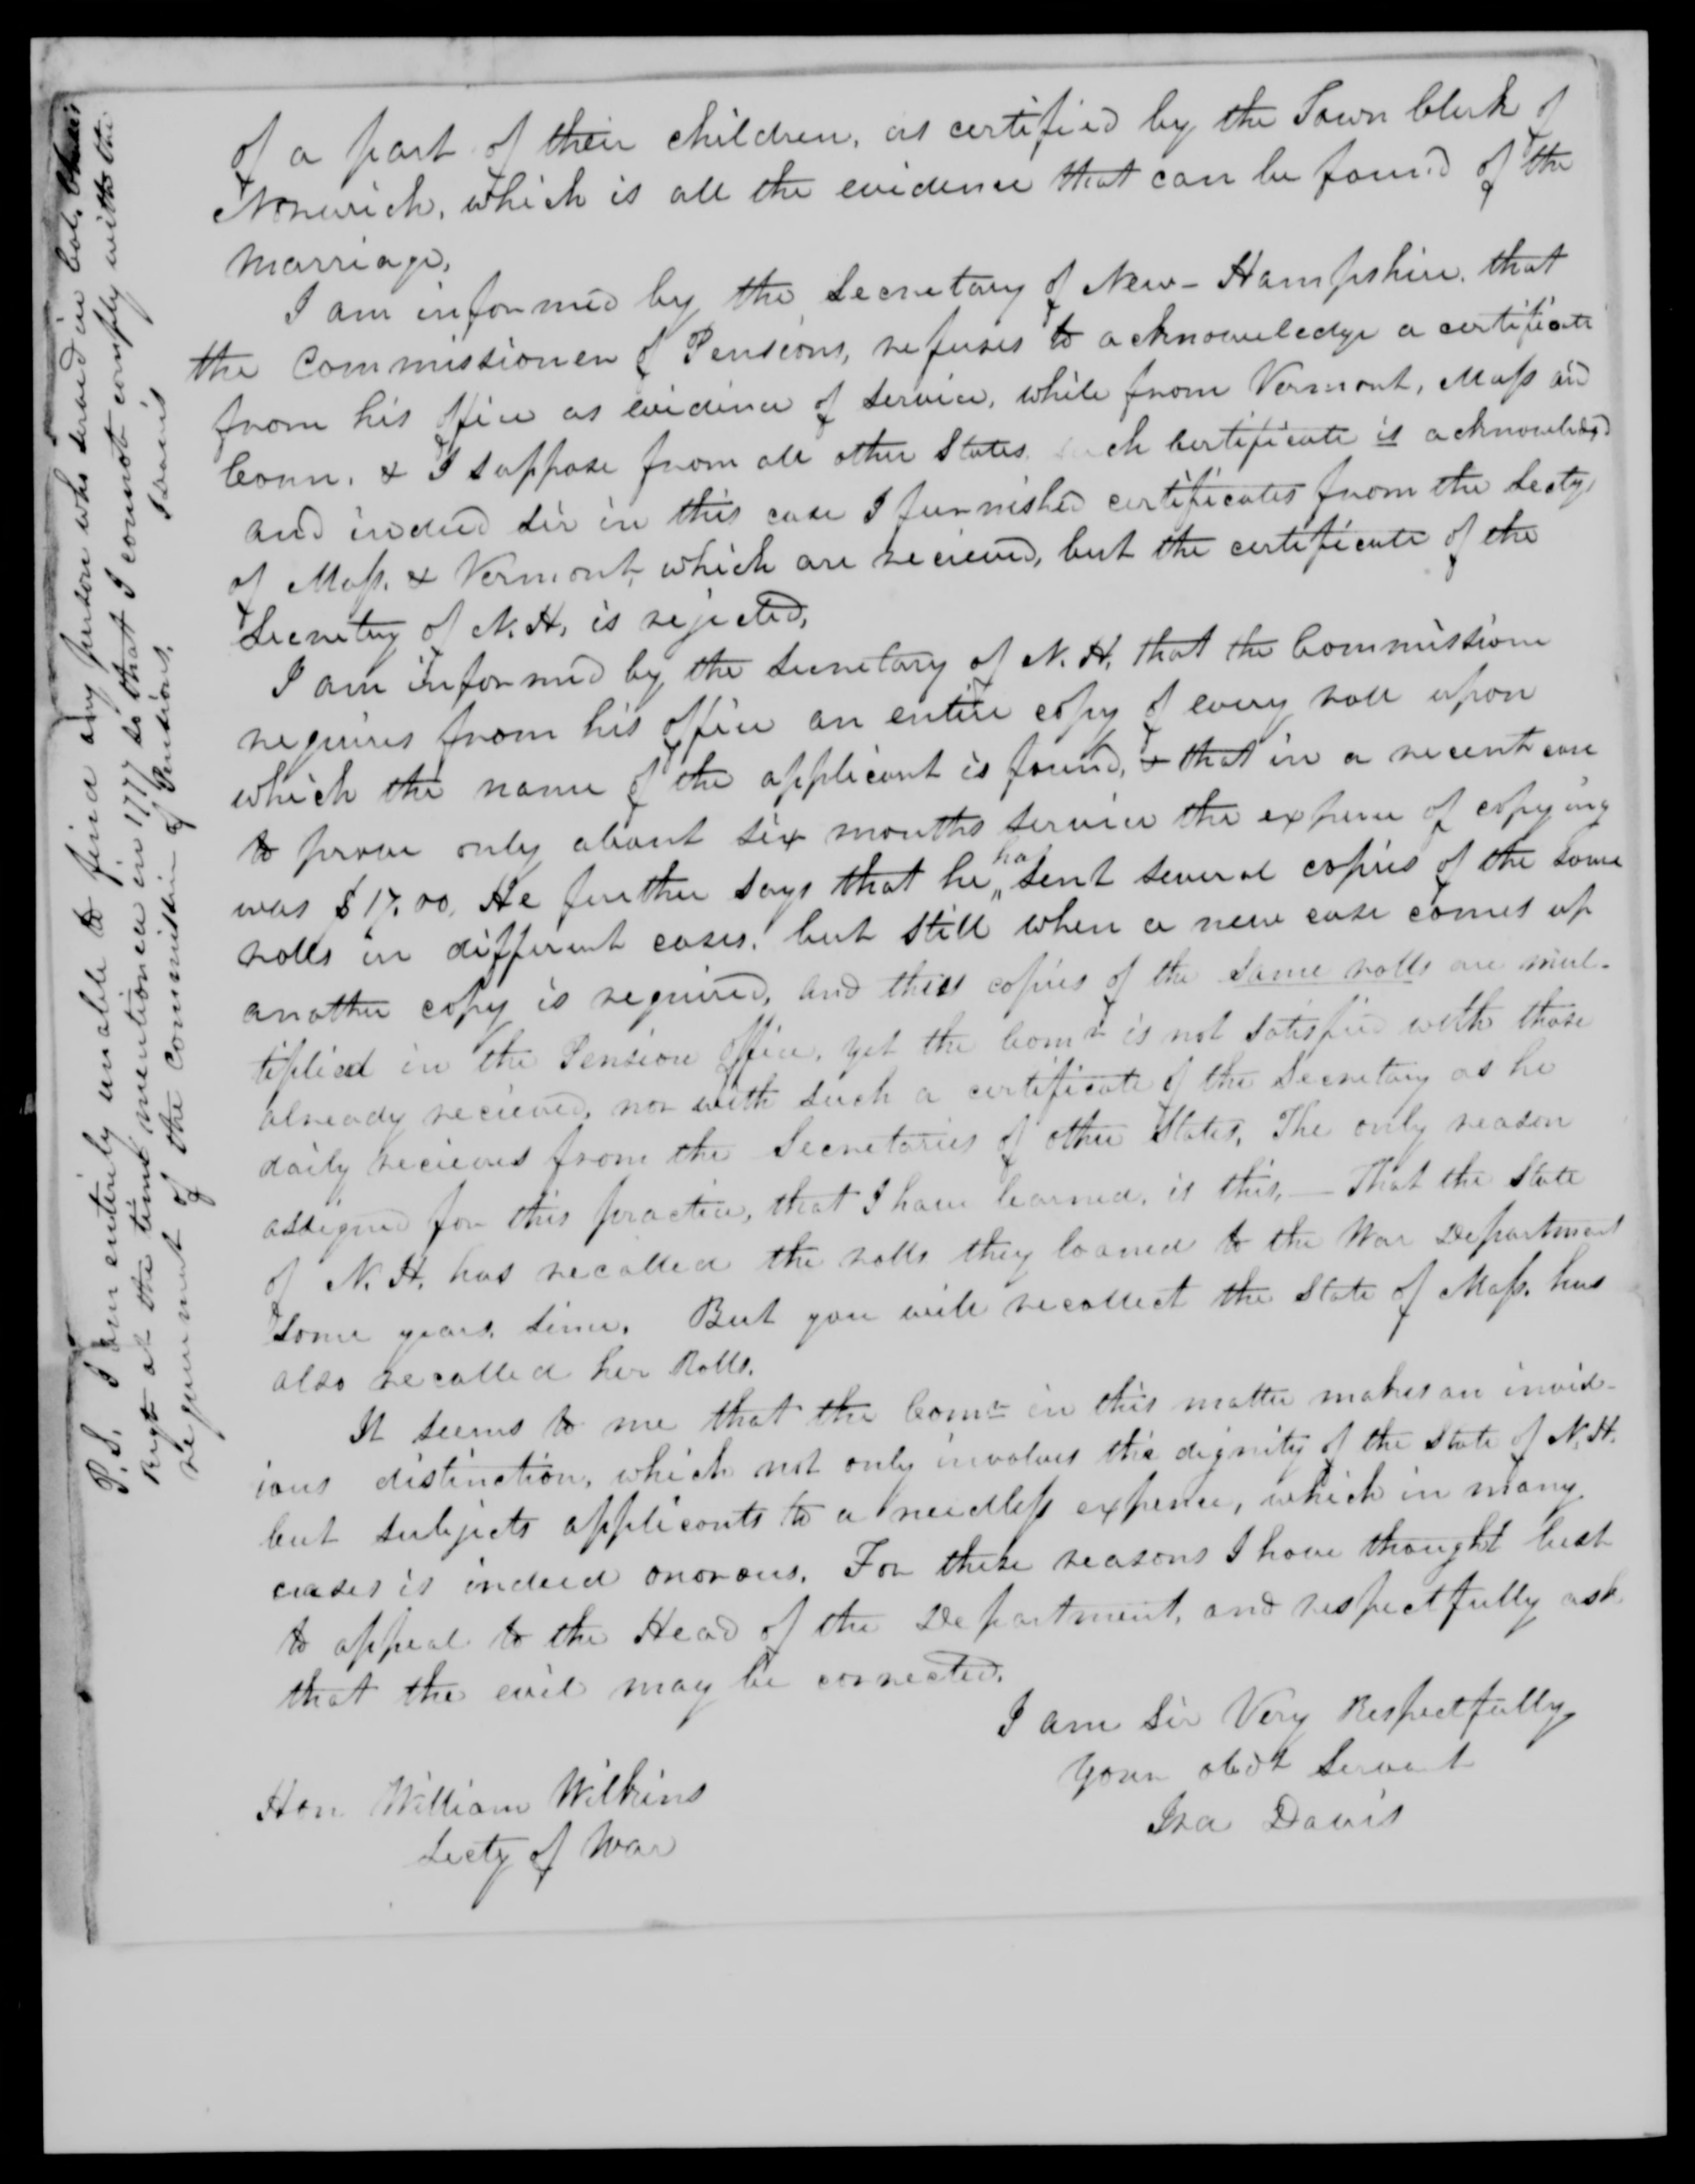of a part of their children, as certified by the Town Clerk of
Norwich, which is all the evidence that can be found of the
Marriage.
I am informed by the Secretary of New-Hampshire, that
the Commissioner of Pensions, refuses to acknowledge a certificate
from his office as evidence of service, while from Vermont, Mass and
Conn. & I suppose from all other States such Certificate is acknowledged
and indeed Sir in this case I furnished certificates from the Secretary of
Mass & Vermont which are received, but the certificate of the
Secretary of N.H. is rejected,
I am informed by the Secretary of N.H. that the Commission
requires from his office an entire copy of every roll upon
which the name of the applicant is found, & that in a recent case
to prove only about six months service the expense of copying
was $17.00.  He further says that he sent several copies of the same
rolls in different cases. but still when a new case comes up
another copy is required, and these copies of the same rolls are multi
filed in the Pension office, yet the Com. is not satisfied with those
already received, nor with such a certificate of the Secretary as he
daily received from the Secretaries of other States. The only reason
assigned for this practice, that I have learned, is this.-That the State of
N.H. has recalled the rolls they loaned to the War Department
some years since. But you will recollect the State of Mass has
also recalled her Rolls
It seems to me that the Com. in this matter makes an invidious
distinction, which not only involves the dignity of the State of N.H.
but subjects applicants to a needless expense, which in many
cases is indeed onerous. For these reasons I have thought best
to appeal to the Head of the Department, and respectfully ask
that the evil may be corrected
I am Sir Very Respectfully,
Your Obedient Servant
Ira Davis

Hon William Wilkins
Secretary of War

(sidebar) P.S. I was entirely unable to find any persons who served in Col. Charles militia at the time mentioned in 1777 so that I cannot comply with the requirement of the Commissioner of Pensions.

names: William Wilkins, Ira Davis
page: 34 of 40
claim: widow's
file: W. 18,426, Abel Wilder, Mass. N.H. Vt.